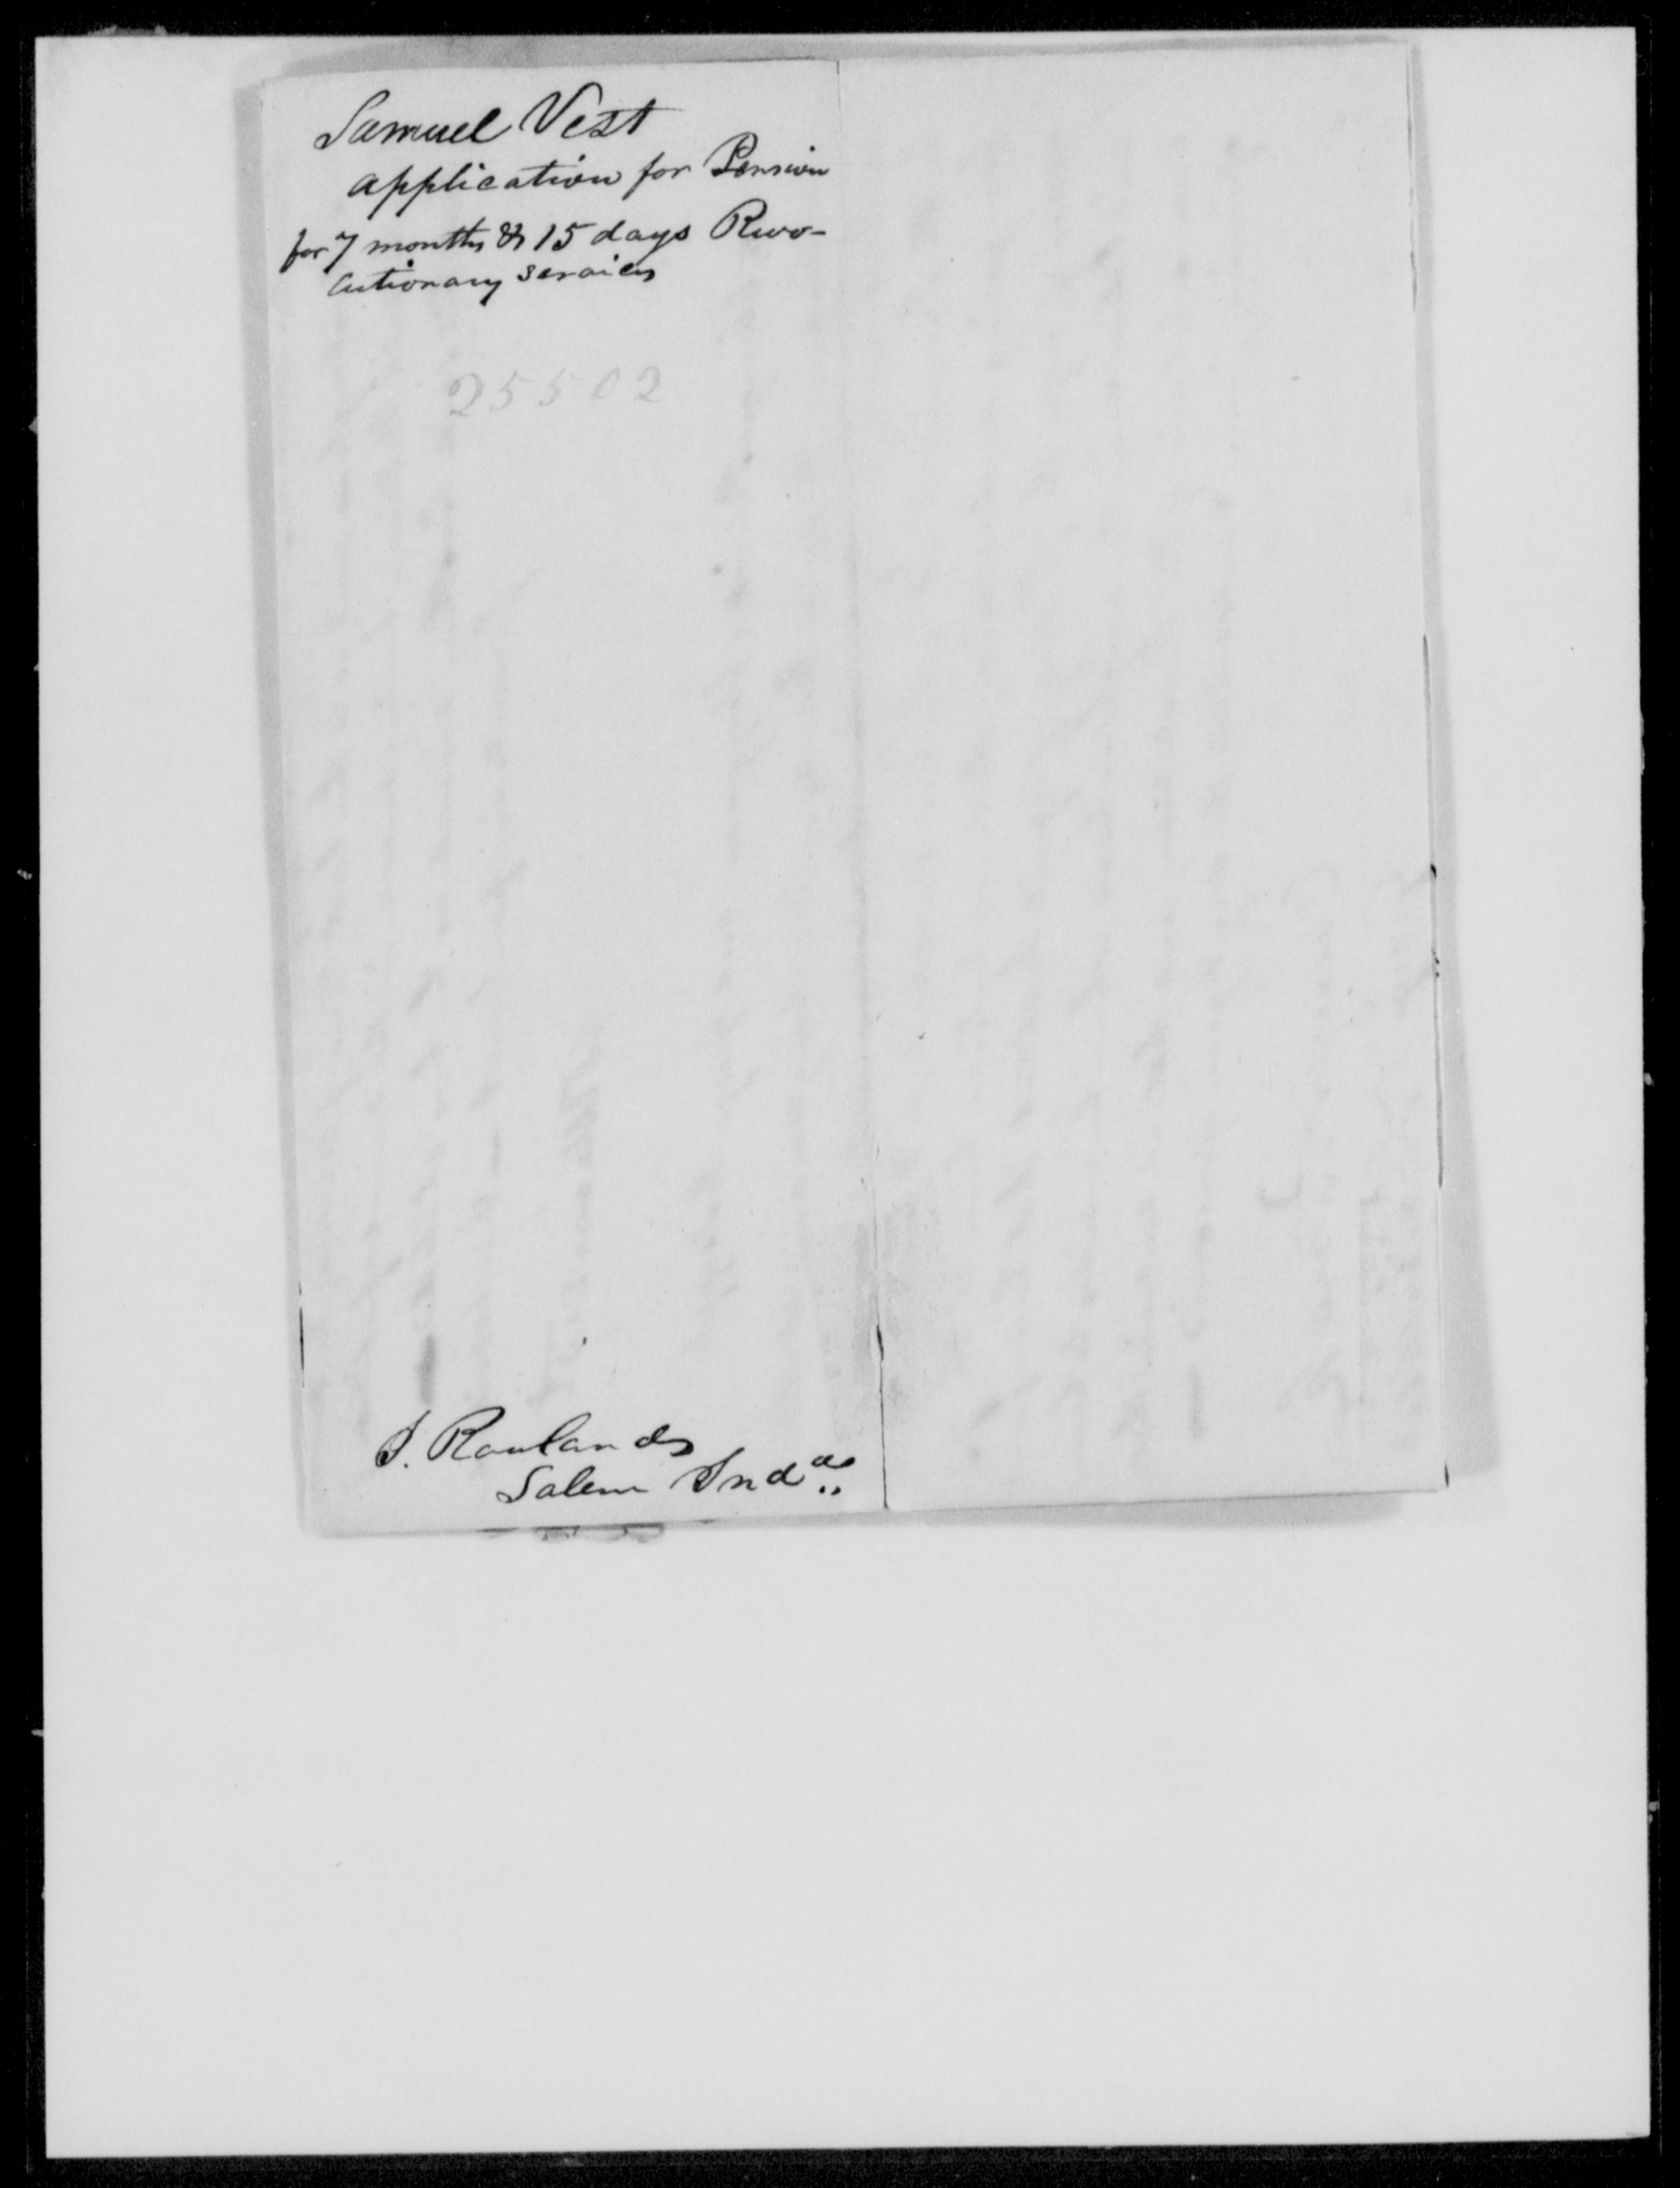Samuel Vest
Application for Pension
for 7 months & 15 days Revolutionary services
25502

J. Rowlands
Salem Inda.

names: Samuel Vest, J Rowlands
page: 3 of 15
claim: survivor's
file: S. 16,563, Samuel Vest, Va.